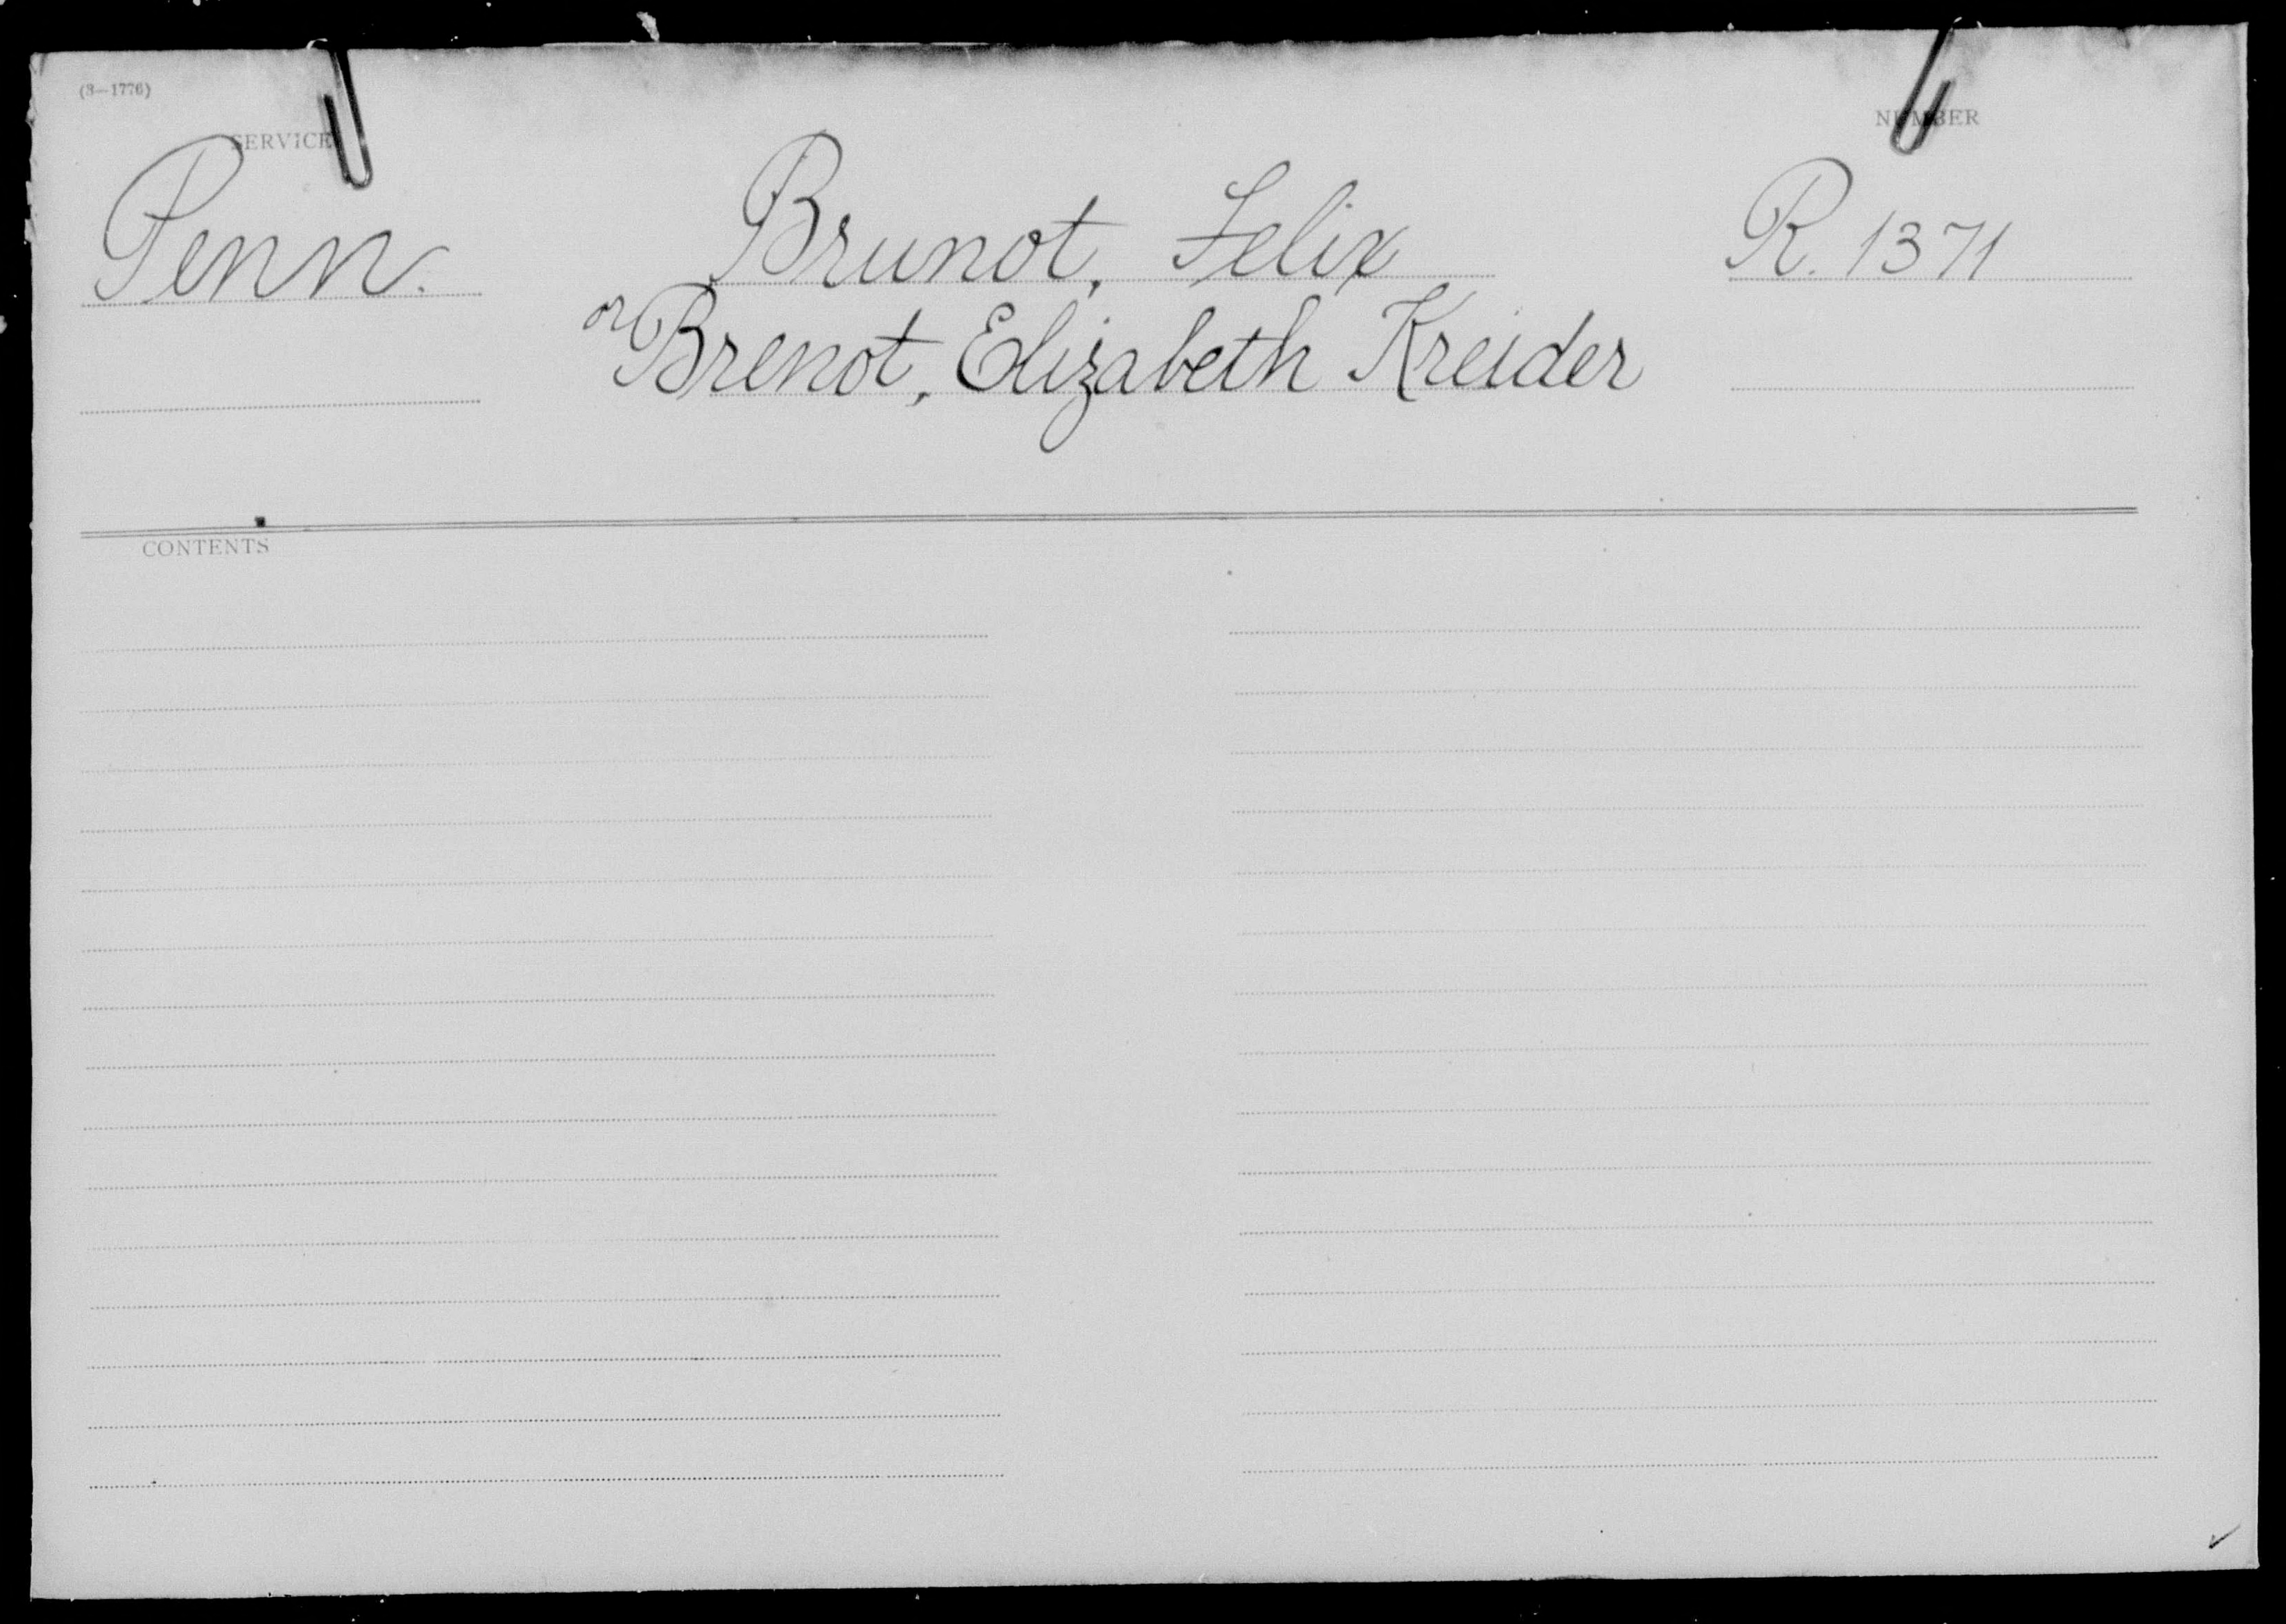Penn.     Brunot, Felix     R. 1371
or Brunot, Elizabeth Kreider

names: Felix Brenot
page: 1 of 34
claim: rejected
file: R. 1371, Felix Brunot, Penn.